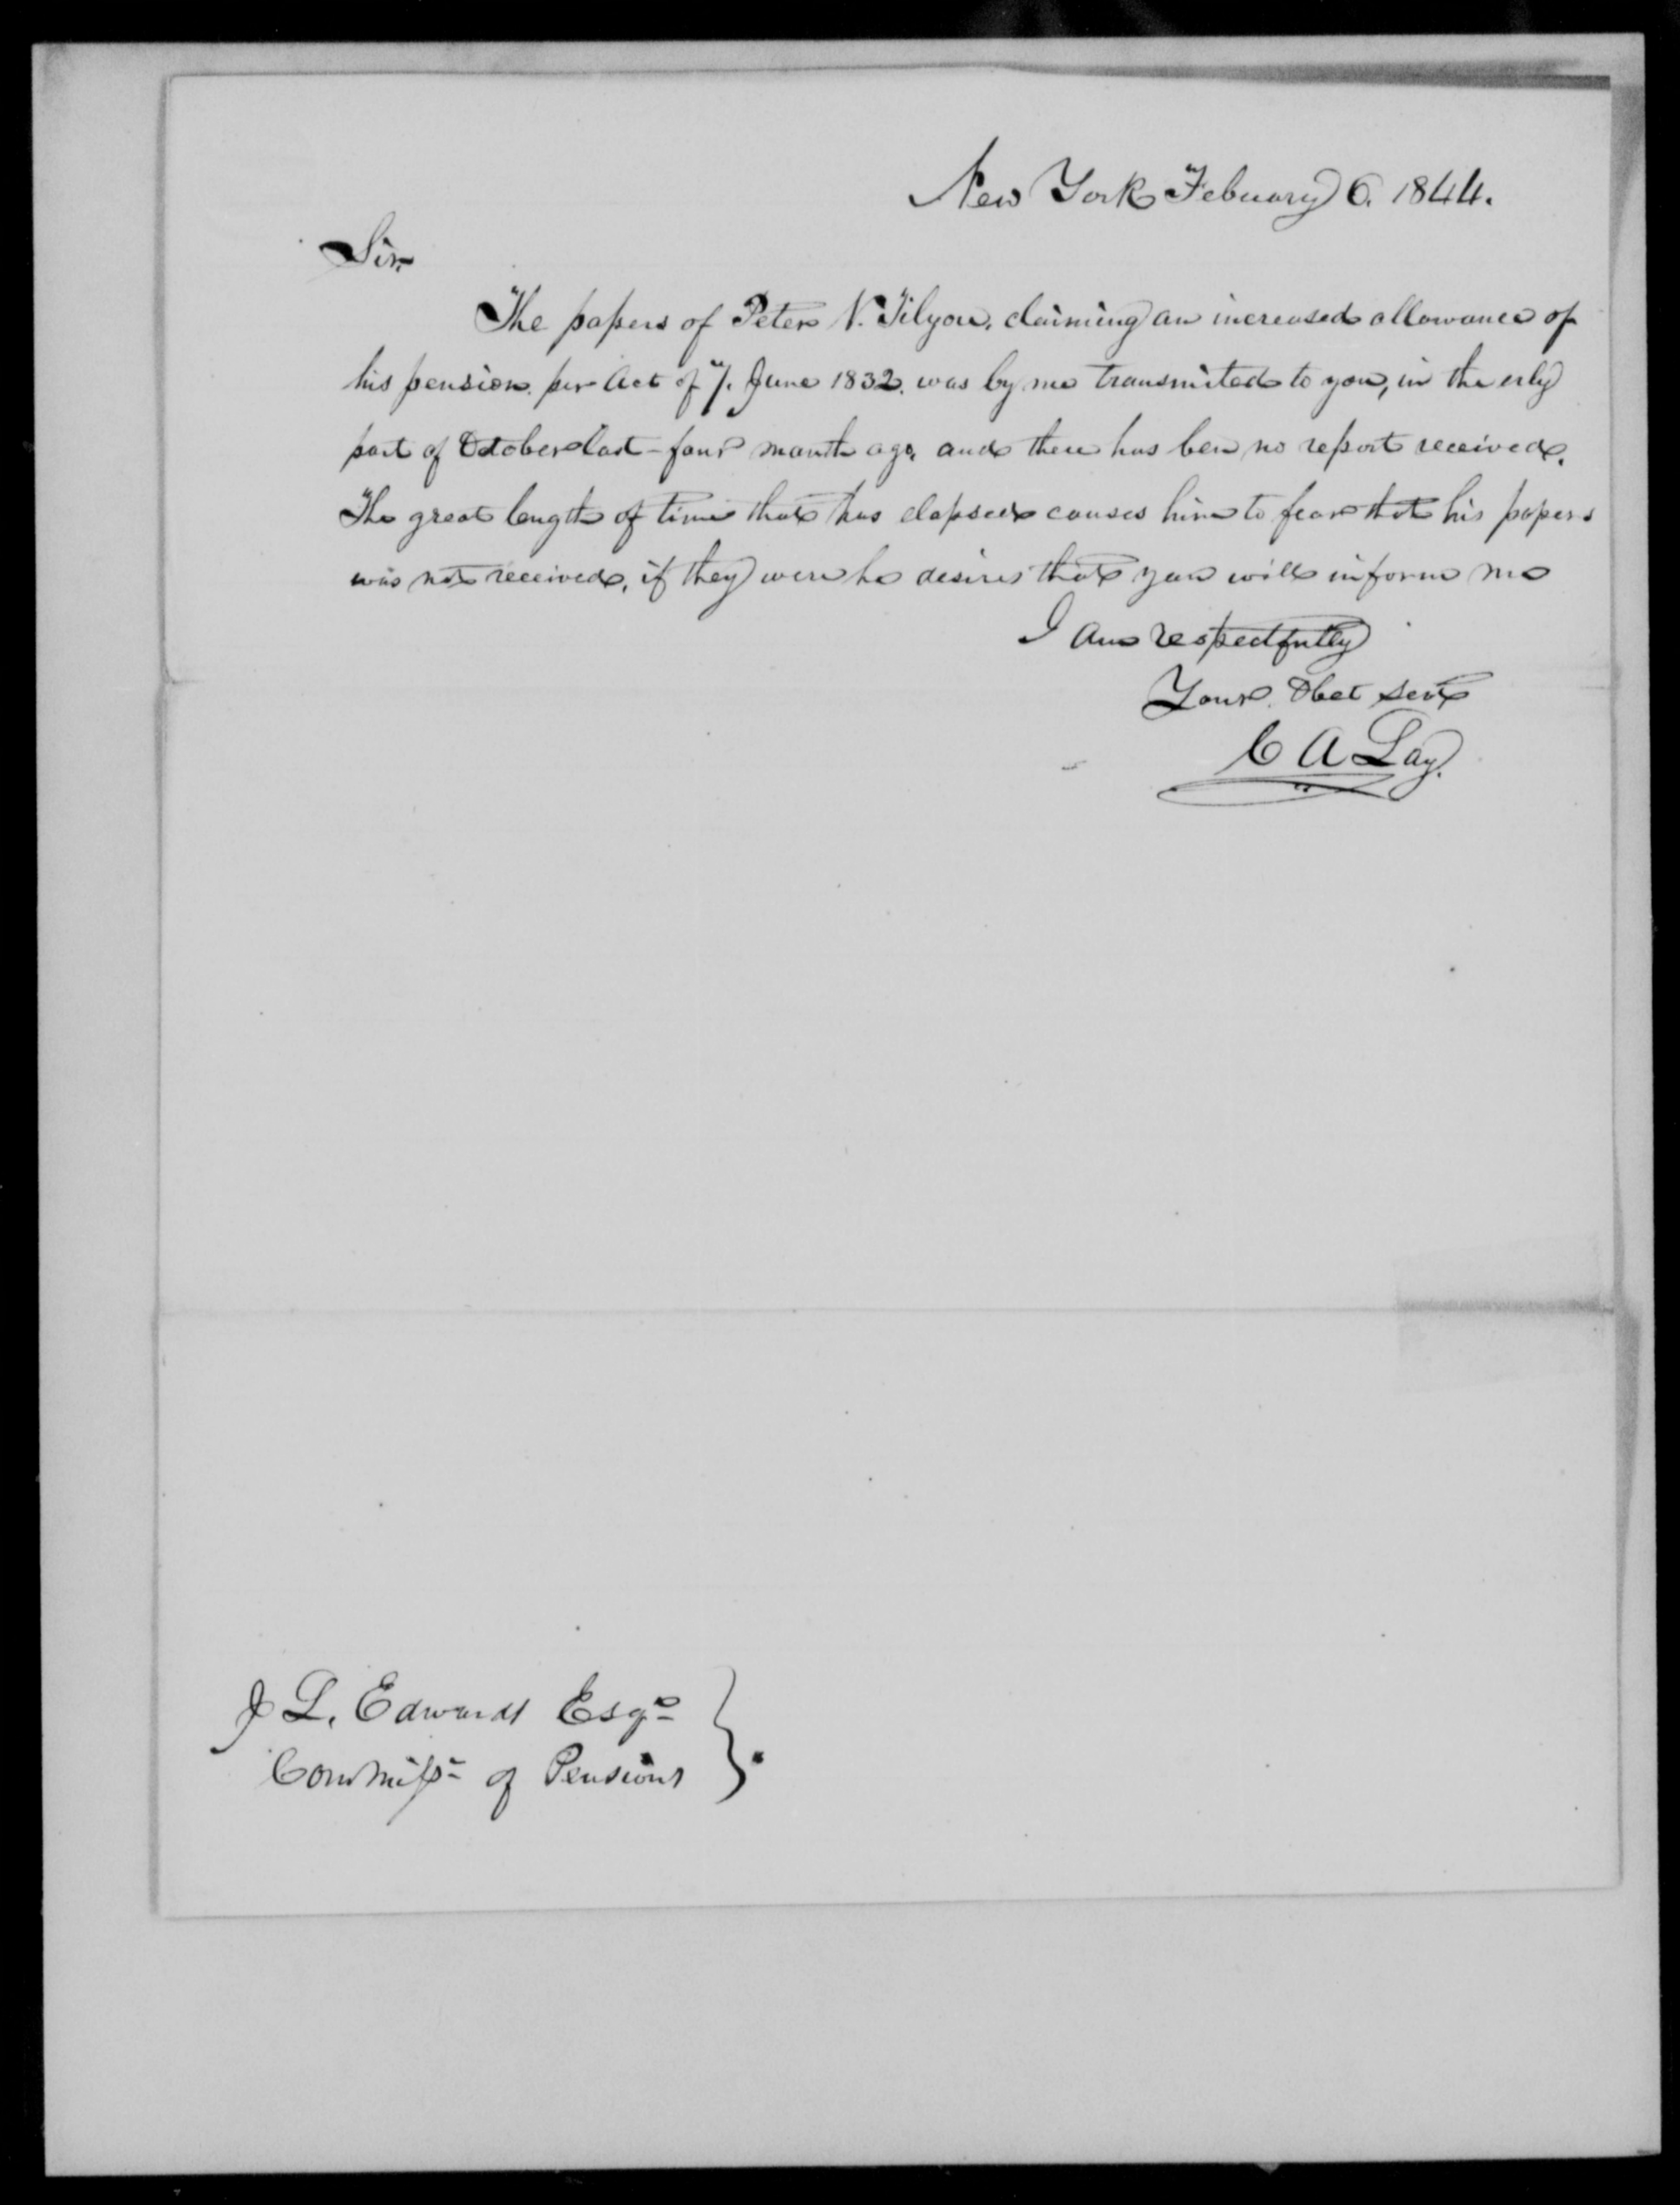New York February 6, 1844.

Sir,

The papers of Peter V. Tilyou, claiming an increased allowance of his pension per the Act of 7.June 1832. was by now transmited [transmitted] to you, in the erly [early] part of October last four months ago, and there has been no report received. The great length of time that has elapsed causes him to fear that his papers were not received, if they were he desires that you will inform me.

I am respectfully
Your Obed Sevt.
C A Lay 


J L. Edwards Esqr
Commissr of Pension }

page: 79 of 101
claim: widow's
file: W. 25481, for Peter V Tilyou, New Jersey